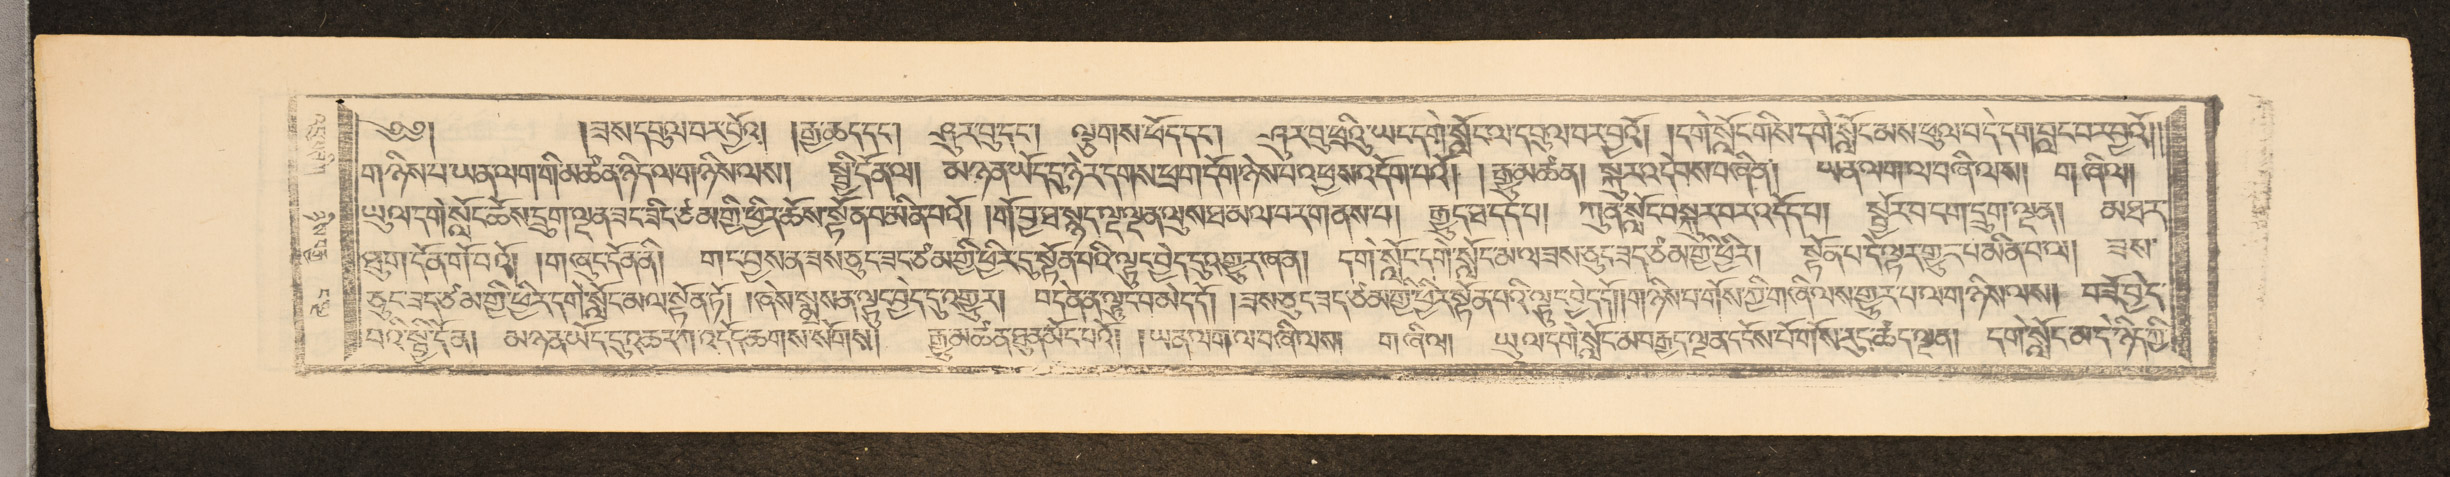༄༅། །ཟས་དབུལ་བར་བྱའོ། །རྒྱ་ཆད་དང་། ཤུར་བུ་དང་། ལྕགས་ཕོད་དང་། ཤུར་བུ་ཕྲིའུ་ཡང་དགེ་སློང་ལ་དབུལ་བར་བྱའོ། །དགེ་སློང་གིས་དགེ་སློང་མས་ཕུལ་བ་དེ་དག་བླང་བར་བྱའོ།།
གཉིས་པ་ཡན་ལག་གི་མཚན་ཉིད་ལ་གཉིས་ལས། སྤྱི་དོན་ལ། མཉན་ཡོད་དུ་ཉེར་དགས་ཕྲག་དོག་ཉེས་པ་འཕྱས་འདོག་པའོ། །རྒྱུ་མཚན། སྐུར་འདེབས་བཞིན། ཡན་ལག་ལ་བཞི་ལས། གཞི་ལ།
ཡུལ་དགེ་སློང་ཆོས་དྲུག་ལྡན་ཟང་ཟིང་ཙམ་གྱི་ཕྱིར་ཆོས་སྟོན་པ་མིན་པའོ། །གོ་བྱ་ཐ་སྙད་ལྔ་ལྡན་ལུས་ཐ་མལ་བར་གནས་པ། རྒྱུད་ཐ་དད་པ། ཀུན་སློང་བསྐུར་བར་འདོད་པ། སྦྱོར་བ་དག་དྲུག་ལྡན། མཐར་
ཐུག་དོན་གོ་བའོ། །གཞུང་དོན་ནི། གང་བྱས་ན་ཟས་ཅུང་ཟད་ཙམ་གྱི་ཕྱིར་དུ་སྟོན་པའི་ལྟུང་བྱེད་དུ་འགྱུར་ཞེ་ན། དགེ་སློང་དགེ་སློང་མ་ལ་ཟས་ཅུང་ཟད་ཙམ་གྱི་ཕྱིར། སྟོན་པ་དེ་ལྟར་གྱུར་པ་མིན་པ་ལ། ཟས་
ཅུང་ཟད་ཙམ་གྱི་ཕྱིར་དགེ་སློང་མ་ལ་སྟོན་ཏོ། །ཞེས་སྨྲས་ན་ལྟུང་བྱེད་དུ་འགྱུར། བདེན་ན་ལྟུང་བ་མེད་དོ། །ཟས་ཅུང་ཟད་ཙམ་གྱི་ཕྱིར་སྟོན་པའི་ལྟུང་བྱེད་དོ། །གཉིས་པ་གོས་ཀྱི་གཞི་ལས་གྱུར་པ་ལ་གཉིས་ལས། བཟོ་བྱེད་
པའི་སྤྱི་དོན། མཉན་ཡོད་དུ་འཆར་ཀ་འདོད་ཆགས་སོགས། རྒྱུ་མཚན་ཐུན་མོང་པའོ། །ཡན་ལག་ལ་བཞི་ལས། གཞི་ལ། ཡུལ་དགེ་སློང་མ་བརྒྱད་ལྡན་དངོས་པོ་གོས་རུང་ཚད་ལྡན། དགེ་སློང་མ་དེ་ཉིད་ཀྱི་